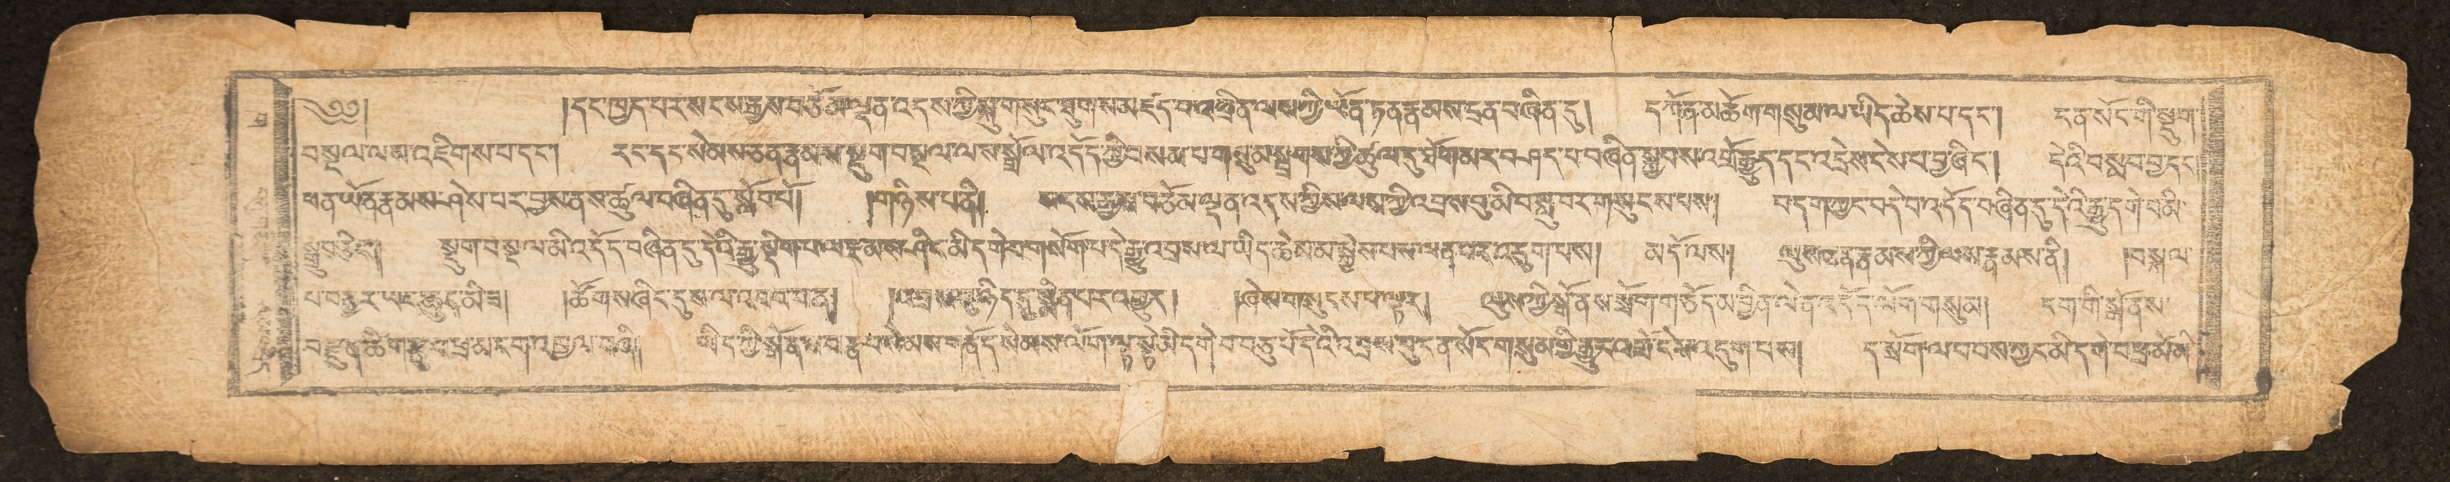༄༅། །དང་ཁྱད་པར་སངས་རྒྱས་བཅོམ་ལྡན་འདས་ཀྱི་སྐུ་གསུང་ཐུགས་མཛད་པ་འཕྲིན་ལས་ཀྱི་ཡོན་ཏན་རྣམས་དྲན་བཞིན་དུ། དཀོན་མཆོག་གསུམ་ལ་ཡིད་ཆེས་པ་དང་། ངན་སོང་གི་སྡུག་
བསྔལ་ལས་འཇིགས་པ་དང་། རང་དང་སེམས་ཅན་རྣམས་སྡུག་བསྔལ་ལས་སྒྲོལ་འདོད་ཀྱི་བསམ་པ་གསུམ་སྦྲགས་ཀྱི་ཚུལ་དུ་ཐོག་མར་བཤད་པ་བཞིན་སྐྱབས་འགྲོ་རྒྱུད་དང་འདྲེས་ངེས་པ་བྱ་ཞིང་། དེའི་བསླབ་བྱ་དང་།
ཕན་ཡོན་རྣམས་ཤེས་པར་བྱས་ནས་ཚུལ་བཞིན་དུ་སློབ་པོ། །གཉིས་པ་ནི། སངས་རྒྱས་བཅོམ་ལྡན་འདས་ཀྱིས་ལས་ཀྱིས་ལས་ཀྱི་འབྲས་བུ་མི་བསླུ་བར་གསུངས་པས། བདག་ཀྱང་བདེ་པ་འདོད་བཞིན་དུ་དེའི་རྒྱུ་དགེ་བ་མི་
སྒྲུབ་ཅིང་། སྡུག་བསྔལ་མི་འདོད་བཞིན་དུ་དེའི་རྒྱུ་སྡིག་པ་ལ་རྔམས་ཤིང་མི་དགེ་བ་གསོག་པ་དེ་རྒྱུ་འབྲས་ལ་ཡིད་ཆེས་མ་སྐྱེས་པས་ལན་པར་འདུག་པས། མདོ་ལས། ལུས་ཅན་རྣམས་ཀྱི་ལས་རྣམས་ནི། །བསྐལ་
བ་བརྒྱར་ཡང་ཆུད་མི་ཟ། །ཚོགས་ཞིང་དུས་ལ་འབབ་པ་ན། །འབྲས་བུ་ཉིད་དུ་སྨིན་པར་འགྱུར། །ཞེས་གསུངས་པ་ལྟར། ལུས་ཀྱི་སྒོ་ནས་སྲོག་གཅོད་མ་བྱིན་ལེན་འདོད་ལོག་གསུམ། ངག་གི་སྒོ་ནས་
འྲྫུན་ཚིག་རྩུབ་ཕྲ་མ་དག་འཁྱལ་བཞི། ཡིད་ཀྱི་སྒོ་ནས་བརྣབ་སེམས་གནོད་སེམས་ལོག་ལྟ་སྟེ་མི་དགེ་བ་བཅུ་པོ་དེའི་འབྲས་བུ་ངན་སོང་གསུམ་གྱི་རྒྱུར་འགྲོ་ངེས་འདུག་པས། ད་སྲོག་ལ་བབས་ཀྱང་མི་དགེ་བ་ཕྲ་མོ་མི་